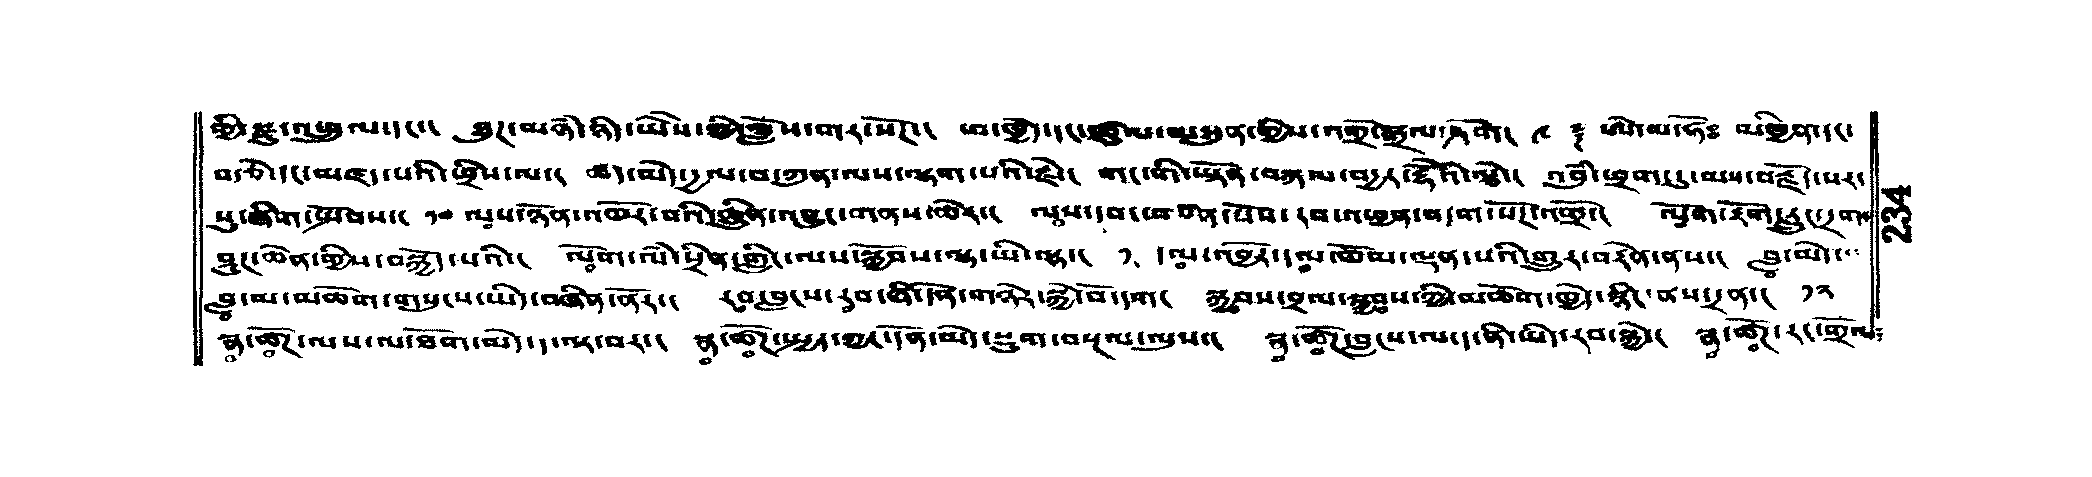གྱི་རྫུ་འཕྲུལ་དང་། །ཐུགས་མཉམ་ཉིད་ཡེ་ཤེས་ཀྱི་ཟློས་གར་སོགས། །ཕ་ཁྱེད་དང་ཚུལ་མཐུན་གྱིས་འགྲོ་སྒྲོལ་ཤོག ༩ ༈ ཨེ་མ་ཧོཿ མཁྱེན་དང་
བརྩེ་དང་མཛད་པའི་ཕྲིན་ལས་ལ། །ཚད་མེད་རྒྱལ་བ་ཀུན་ལས་ལྷག་པའི་རྗེ། །གང་གི་ཡོན་ཏན་བསྐལ་བརྒྱར་རྡོ་རྗེའི་ལྕེ། །འབུམ་ཕྲག་དུ་མས་བརྗོད་པར་
སུ་ཞིག་སྤོབས། ༡༠ །ལས་ཉོན་འཁོར་བའི་ཆུ་སྲིན་གྱི་འབྱུང་གནས་ཆེར། །ལས་དབང་བཙན་པོས་རབ་འཕྱན་བདག་སོགས་འགྲོ། །ལོག་རྟོག་རླུང་དྲག་
ཤུགས་ཆེན་གྱིས་བསྐྱོད་པའི། །ལོག་ལམ་སྲིན་གླིང་ལས་སྐྱོབས་ལྷ་ཡི་ལྷ། ༡༡ །དལ་འབྱོར་དལ་ཁོམ་ལྡན་པའི་གྲུར་བརྟེན་ནས། །བླ་མེད་
བླ་མ་མཆོག་གསུངས་ཡིད་བཞིན་ནོར། །རབ་བླངས་རབ་ཞི་དོན་གཉེར་སྐྱེ་བོ་དག །སྐྱབས་བྲལ་སྐྱབས་ཀྱི་མཆོག་ཁྱེད་སྙིང་ནས་དྲན།༡༢ །
སྣ་ཚོགས་ལས་ལ་ཐོག་མེད་ད་ལྟ་བར། །སྣ་ཚོགས་སྤྱད་ཀྱང་དོན་མེད་སྡུག་བསྔལ་ལུས། །སྣ་ཚོགས་བླངས་ལ་ད་ནི་ཡིད་རབ་སྐྱོ། །སྣ་ཚོགས་རང་གྲོལ་